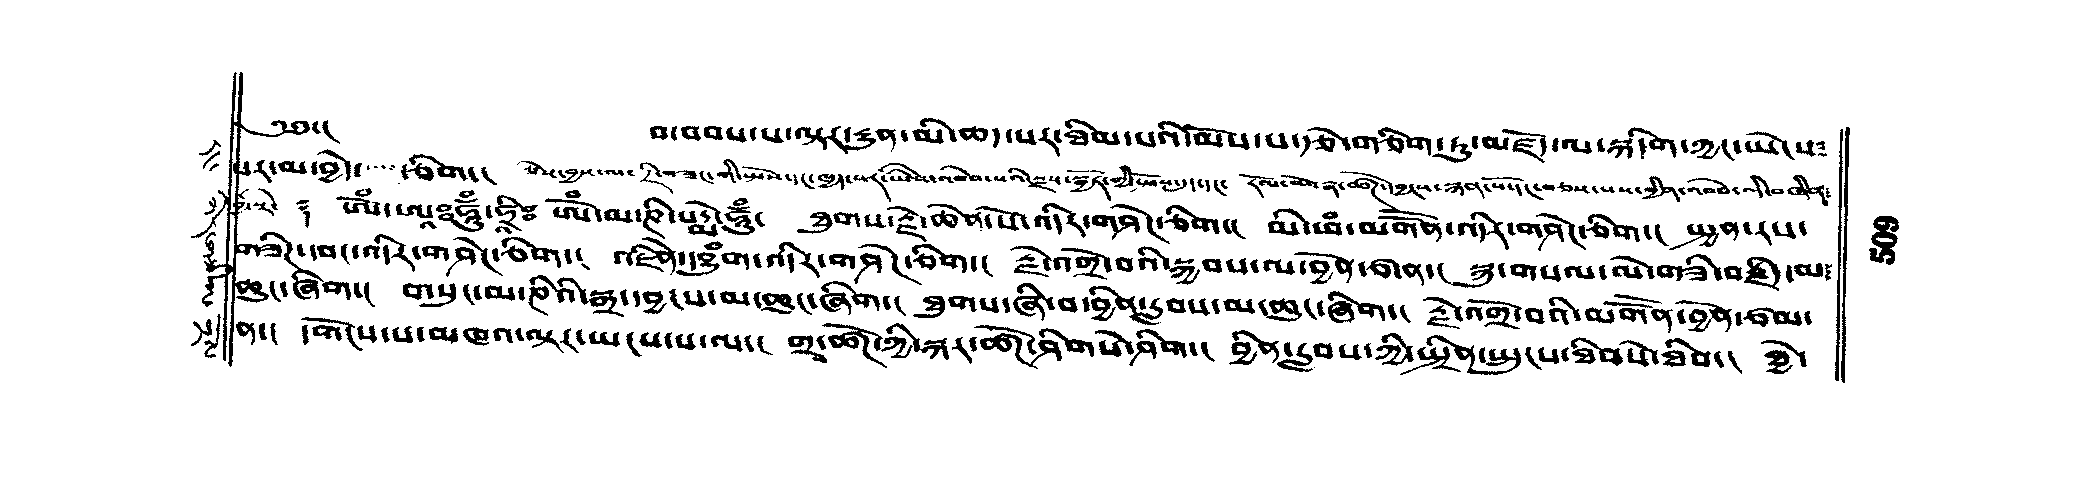བ་བབས་པ་ལྟར་རྒྱུན་མི་ཆད་པར་ཐིམ་པའི་མོས་པ་རྩེ་གཅིག་ཏུ་མཛོད་ལ་སྐད་ཅིག་ཀྱང་ཡེངས་
པར་མ་བྱེད།ཅེས་བྱས་ལ་དྲི་བཟང་གི་སྤོས་དང་ཁྱད་པར་ཡེ་ཤེས་འབེབས་པའི་རྫས་སྦྱོར་གྱི་སྤོས་དུད་དང་། རོལ་མོ་སྣ་ཚོགས་དབྱངས་སྙན་པོ་དང་བཅས་པས་བྱིན་འབེབ་འདི་བཞིན་
བྱ་སྟེ། ༈ ཨོཾ་ཨཱཿཧཱུྃ་ཧྲཱིཿ ཨོཾ་མ་ཎི་པདྨེ་ཧཱུྃ། ཐུགས་རྗེ་ཆེན་པོ་འདིར་གཤེགས་ཤིག །མི་ཕམ་མགོན་པ་འདིར་གཤེགས་ཤིག །སྤྱན་རས་
གཟིགས་དབང་འདིར་གཤེགས་ཤིག །འཇིག་རྟེན་དབང་ཕྱུག་འདིར་གཤེགས་1$1000180ཤིག །རྗེ་འགྲོ་བའི་སྐྱབས་ལ་བྱོན་ཙ་ན། །སྐུ་གསལ་ལེ་གཟི་བརྗིད་མ་
ཆུང་ཞིག །གསུང་མ་ཎིའི་སྒྲ་དབྱངས་མ་ཆུང་ཞིག །ཐུགས་ཞི་བ་བྱིན་རླབས་མ་ཆུང་ཞིག །རྗེ་འགྲོ་བའི་མགོན་པོ་བྱོན་ཙམ་
ན། །དགོངས་པ་མཁའ་ལྟར་ཡངས་པ་ལ། །གྲྭ་ཚོགས་ཀྱི་སྐར་ཚོགས་ཤིགས་སེ་ཤིག །བྱིན་རླབས་ཀྱི་སྤྲིན་ཕུང་ཐིབས་སེ་ཐིབ། །ཐུགས་རྗེ་